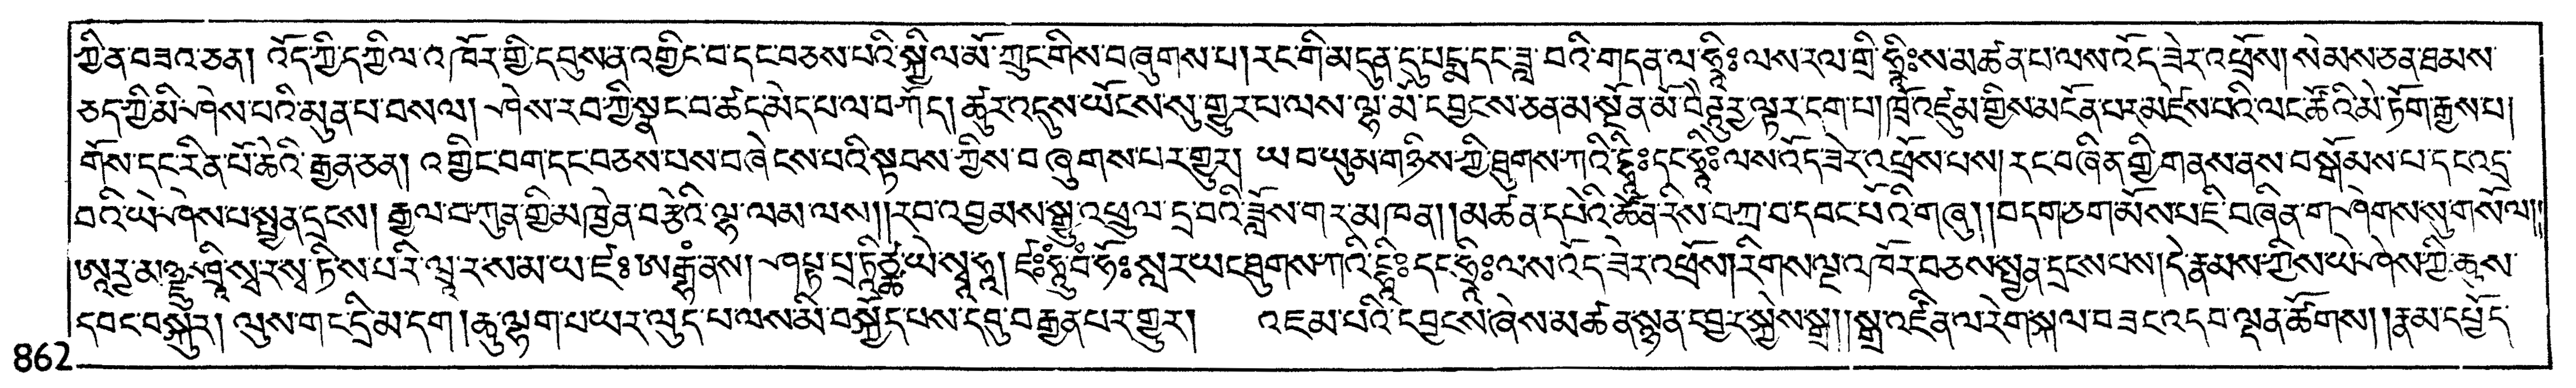ཀྱི་ན་བཟའ་ཅན། འོད་ཀྱི་དཀྱིལ་འཁོར་གྱི་དབུས་ན་འགྱིང་བ་དང་བཅས་པའི་སྐྱིལ་མོ་ཀྲུང་གིས་བཞུགས་པ། རང་གི་མདུན་དུ་པདམ་དང་ཟླ་བའི་གདན་ལ་ཧྲཱིཿ ལས་རལ་གྲི་ཧྲཱིཿ ས་མཚན་པ་ལས་འོད་ཟེར་འཕྲོས། སེམས་ཅན་ཐམས་
ཅད་ཀྱི་མི་ཤེས་པའི་མུན་པ་བསལ། ཤེས་རབ་ཀྱི་སྣང་བ་ཚད་མེད་པ་ལ་བཀོད། ཚུར་འདུས་ཡོངས་སུ་གྱུར་པ་ལས་ལྷ་མོ་དབྱངས་ཅན་མ་སྔོན་མོ་བཻཌཱུརྱ་ལྟར་དག་པ། ཁྲོ་འཛུམ་གྱིས་མངོན་པར་མཛེས་པའི་ལང་ཚོའི་མེ་ཏོག་རྒྱས་པ།
གོས་དང་རིན་པོ་ཆེའི་རྒྱན་ཅན། འགྱིང་བག་དང་བཅས་པས་བཞེངས་པའི་སྟབས་ཀྱིས་བཞུགས་པར་གྱུར། ཡབ་ཡུམ་གཉིས་ཀྱི་ཐུགས་ཀའི་དྷཱིཿ དང་ཧྲཱིཿ ལས་འོད་ཟེར་འཕྲོས་པས། རང་བཞིན་གྱི་གནས་ནས་བསྒོམས་པ་དང་འདྲ་
བའི་ཡེ་ཤེས་པ་སྤྱན་དྲངས། རྒྱལ་བ་ཀུན་གྱི་མཁྱེན་བརྩེའི་ལྷ་ལམ་ལས། །རབ་འབྱམས་སྒྱུ་འཕྲུལ་དྲ་བའི་ཟློས་གར་མཁན། །མཚན་དཔེའི་ཚོན་རིས་བཀྲ་བ་དབང་པོའི་གཞུ། །བདག་ཅག་མོས་པ་ཇི་བཞིན་གཤེགས་སུ་གསོལ།།
ཨཱརྱ་མཉྫུ་ཤྲཱི་སྭ་ར་སྭ་ཏི་ས་པ་རི་ཝཱ་ར་ས་མ་ཡ་ཛཿ ཨརྒྷཾ་ནས། ཤཔྟ་པྲ་ཏཱི་ཙྪ་ཡེ་སྭཱ་ཧཱ། ཛཿ ཧཱུཾ་བཾ་ཧོཿ སླར་ཡང་ཐུགས་ཀའི་དྷཱིཿ དང་ཧྲཱིཿ ལས་འོད་ཟེར་འཕྲོས། རིགས་ལྔ་འཁོར་བཅས་སྤྱན་དྲངས་པས། དེ་རྣམས་ཀྱིས་ཡེ་ཤེས་ཀྱི་ཆུས་
དབང་བསྐུར། ལུས་གང་དྲི་མ་དག །ཆུ་ལྷག་པ་ཡར་ལུད་པ་ལས་མི་བསྐྱོད་པས་དབུ་བརྒྱན་པར་གྱུར། འཇམ་པའི་དབྱངས་ཞེས་མཚན་སྙན་དབྱར་སྐྱེས་སྒྲ། །སྒྲ་འཛིན་ལ་རེག་སྐལ་བཟང་འདབ་ལྡན་ཚོགས། །རྣམ་དཔྱོད་